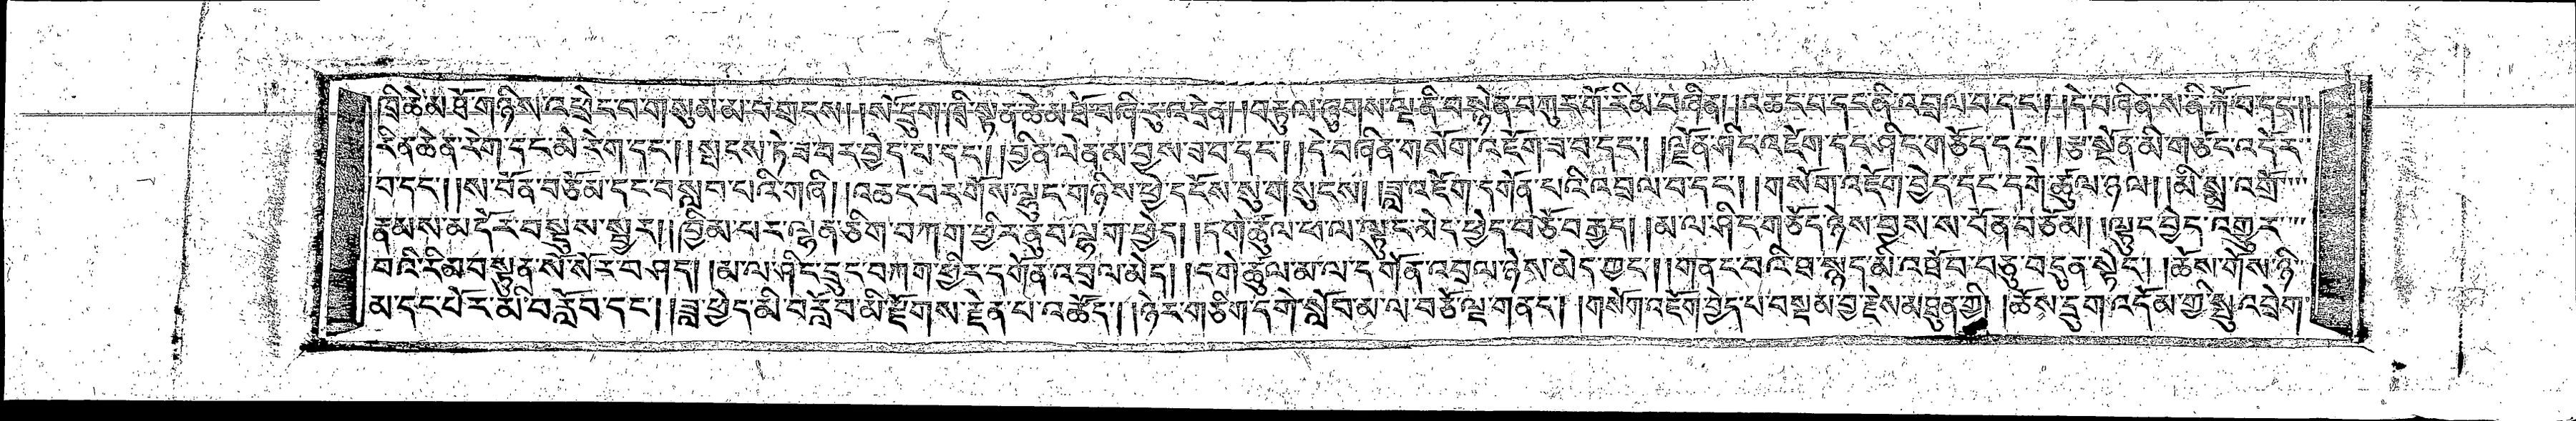ཁྲི་ཆེ་མཐོ་གཉིས་འཕྲེང་བ་གསུམ་མ་བགྲངས། །སོ་དྲུག་ཁྲི་སྟན་ཆེ་མཐོ་བཞི་རུ་འདྲེན། །བརྟུལ་ཞུགས་ལྔ་ནི་བསྙེན་བཀུར་གོ་རིམ་བཞིན། །འཆང་བ་དང་ནི་འབྲལ་བ་དང་། །དེ་བཞིན་ས་ནི་རྐོ་བ་དང་། །
རིན་ཆེན་རེག་དང་མེ་རེག་དང་། །སྤངས་ཏེ་ཟ་བར་བྱེད་པ་དང་། །བྱིན་ལེན་མ་བྱས་ཟ་བ་དང་། །དེ་བཞིན་གསོག་འཇོག་ཟ་བ་དང་། །ལྗོན་ཤིང་འཇོག་དང་ཤིང་གཅོད་དང་། །རྩ་སྔོན་མི་གཙང་འདོར་
བ་དང་། །ས་བོན་བཅོམ་དང་བསླབ་པའི་གཞི། །འཆང་བར་གོས་ལྷུང་གཉིས་ཕྱེ་དངོས་སུ་གསུངས། །ཟླ་འཇོག་དགོན་པའི་འབྲལ་བ་དང་། །གསོག་འཇོག་བྱེད་དང་དགེ་ཚུལ་ཉལ། །མི་སྨྲ་འགྲོ་
རྣམས་མདོར་བསྡུས་སྦྱར། །ཁྱིམ་པར་ལྷན་ཅིག་བཀག་ཕྱིར་ནུབ་ལྷག་ཕྱེད། །དགེ་ཚུལ་ཕ་ལ་ལྟུང་མེད་ཕྱེད་བཅོ་བརྒྱད། །མ་ལ་ཤིང་གཅོད་ཉེས་བྱས་ས་བོན་བཅོམ། །ལྟུང་བྱེད་འགྱུར་
བའི་རིམ་བསྟུན་སོ་སོར་བཤད། །མ་ལ་ཤིང་དྲུང་བཀག་ཕྱིར་དགོན་འབྲལ་མེད། །དགེ་ཚུལ་མ་ལ་དགོན་འབྲལ་ཉེས་མེད་ཀྱང་། །གནང་བའི་ཐ་སྙད་མི་འཐོབ་བཅུ་བདུན་སྟེང་། །ཆོས་གོས་ཉི་
མ་དང་པོར་མི་བརློབ་དང་། །ཟླ་ཕྱེད་མི་བརློབ་མི་རྫོགས་རྗེན་པ་འཚོད། །ཉེར་གཅིག་དགེ་སློབ་མ་ལ་བཅོ་ལྔ་གནང་། །གསོག་འཇོག་བྱེད་པ་བསྡམ་བྱ་རྗེས་མཐུན་གྱི། །ཆོས་དྲུག་འདོམ་གྱི་སྤུ་འབྲེག་